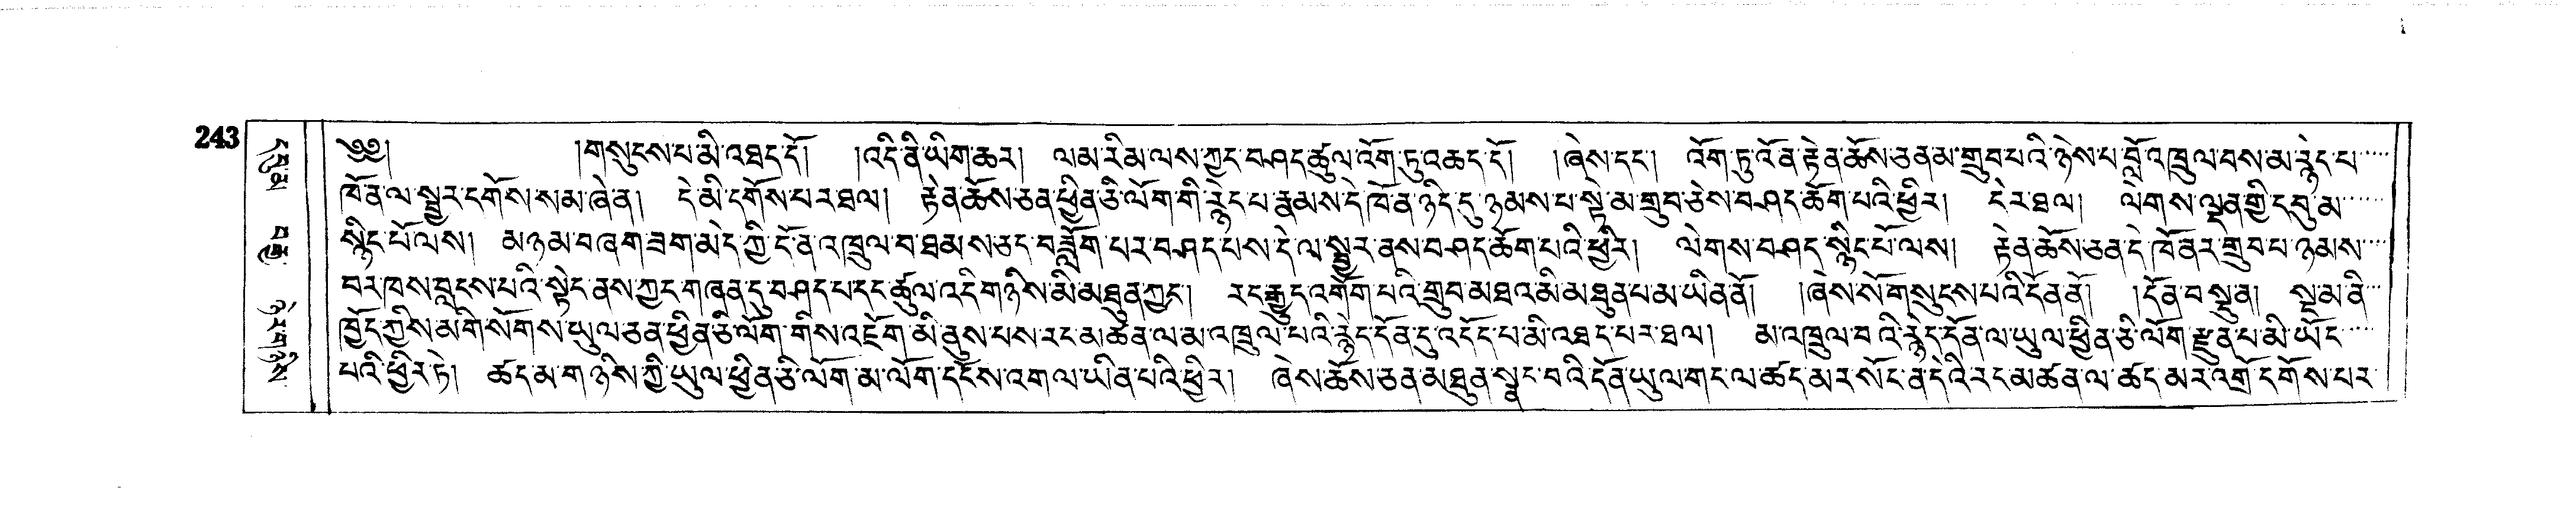༄༅། །གསུངས་པ་མི་འཐད་དོ། །འདི་ནི་ཡིག་ཆར། ལམ་རིམ་ལས་ཀྱང་བཤད་ཚུལ་འོག་ཏུ་འཆད་དོ། །ཞེས་དང་། འོག་ཏུ་འོན་རྟེན་ཆོས་ཅན་མ་གྲུབ་པའི་ཉེས་པ་བློ་འཁྲུལ་བས་མ་རྙེད་པ་
ཁོ་ན་ལ་སྦྱར་དགོས་སམ་ཞེ་ན། དེ་མི་དགོས་པར་ཐལ། རྟེན་ཆོས་ཅན་ཕྱིན་ཅི་ལོག་གི་རྙེད་པ་རྣམས་དེ་ཁོ་ན་ཉིད་དུ་ཉམས་པ་སྟེ་མ་གྲུབ་ཅེས་བཤད་ཆོག་པའི་ཕྱིར། དེར་ཐལ། ལེགས་ལྡན་གྱི་དབུ་མ་
སྙིང་པོ་ལས། མཉམ་བཞག་ཟག་མེད་ཀྱི་ངོ་ན་འཁྲུལ་བ་ཐམས་ཅད་བཟློག་པར་བཤད་པས་དེ་ལ་སྦྱར་ནས་བཤད་ཆོག་པའི་ཕྱིར། ལེགས་བཤད་སྙིང་པོ་ལས། རྟེན་ཆོས་ཅན་དེ་ཁོ་ནར་གྲུབ་པ་ཉམས་
བར་ཁས་བླངས་པའི་སྟེང་ནས་ཀྱང་གཞན་དུ་བཤད་པ་དང་ཚུལ་འདི་གཉིས་མི་མཐུན་ཀྱང་། རང་རྒྱུད་འགོག་པའི་གྲུབ་མཐའ་མི་མཐུན་པ་མ་ཡིན་ནོ། །ཞེས་སོ་གསུངས་པའི་དོན་ནོ། །དོན་བསྡུ་ན། སྔ་མ་ནི་
ཁྱོད་ཀྱིས་མིག་སོགས་ཡུལ་ཅན་ཕྱིན་ཅི་ལོག་གིས་འཇོག་མི་ནུས་པས་རང་མཚན་ལ་མ་འཁྲུལ་པའི་རྙེད་དོན་དུ་འདོད་པ་མི་འཐད་པར་ཐལ། མ་འཁྲུལ་བའི་རྙེད་དོན་ལ་ཡུལ་ཕྱིན་ཅི་ལོག་རྫུན་པ་མི་ཡོང་
པའི་ཕྱིར་ཏེ། ཚད་མ་གཉིས་ཀྱི་ཡུལ་ཕྱིན་ཅི་ལོག་མ་ལོག་དངོས་འགལ་ཡིན་པའི་ཕྱིར། ཞེས་ཆོས་ཅན་མཐུན་སྣང་བའི་དོན་ཡུལ་གང་ལ་ཚད་མར་སོང་ན་དེའི་རང་མཚན་ལ་ཚད་མར་འགྲོ་དགོས་པར་